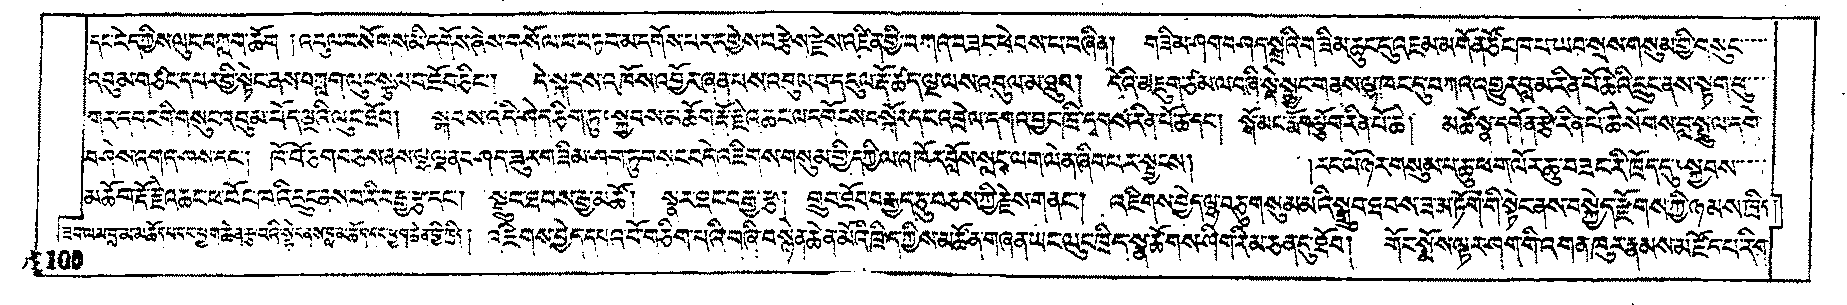དང་ངེད་ཀྱིས་ལུང་བཀླག་ཆོག །འབུལ་བ་སོགས་མི་དགོས་ཞེས་གསོལ་བ་བཏབ་མ་དགོས་པར་དགྱེས་བརྩེས་རྗེས་འཛིན་གྱི་བཀའ་བཟང་ཕེབས་པ་བཞིན། གཟིམ་ཤག་བཤད་སྒྲའི་གཟིམ་ཆུང་དུ་འཇམ་མགོན་ཙོང་ཁ་པ་ཡབ་སྲས་གསུམ་གྱི་གསུང་
འབུམ་གཙང་དཔར་གྱི་སྟེང་ནས་བཀླག་ལུང་སྩལ་བ་ཐོབ་ཅིང་། དེ་སྐབས་འཁོས་འབྱོར་ཞན་པས་འབུལ་བ་དངུལ་རྡོ་ཚད་ལྔ་ལས་འབུལ་མ་ཐུབ། དེའི་མཇུག་ཙམ་ལ་བཞི་སྡེ་སྨྱང་གནས་ལྷ་ཁང་དུ་བཀའ་འགྱུར་བླ་མ་རིན་པོ་ཆེའི་དྲུང་ནས་སྟག་ཕུ་
གར་དབང་གི་གསུང་འབུམ་པོད་ལྔའི་ལུང་ཐོབ། སྐབས་འདི་ཤེད་ཅིག་ཏུ་༧སྐྱབས་མཆོག་རྡོ་རྗེ་འཆང་ལ་དགོངས་བསྐོར་དང་འབྲེལ་དགའ་བྱང་ཁྲི་དྭགས་རིན་པོ་ཆེ་དང་། སྒོ་མང་རྨོག་ལྕོག་རིན་པོ་ཆེ། མཚོ་སྣ་དགོན་རྩེ་རིན་པོ་ཆེ་སོགས་བླ་སྤྲུལ་དགེ་
བཤེས་འགའ་ཤས་དང་། ཁོ་བོ་ཅག་བཅས་ནས་ལྷ་ལྡན་བཤད་ཟུར་གཟིམ་ཤག་ཏུ་གསང་བདེ་འཇིགས་གསུམ་གྱི་དཀྱིལ་འཁོར་བློས་སླངས་ལག་ལེན་ཞིབ་པར་སྦྱངས། །རང་ལོ་ཉེར་གསུམ་པ་ཆུ་ཕག་ལོར་ཆུ་བཟང་རི་ཁྲོད་དུ་༧སྐྱབས་
མཆོག་རྡོ་རྗེ་འཆང་ཕ་བོང་ཁའི་དྲུང་ནས་བ་རི་བརྒྱ་རྩ་དང་། སྒྲུབ་ཐབས་རྒྱ་མཚོ། སྣར་ཐང་བརྒྱ་རྩ། གྲུབ་ཐོབ་བརྒྱད་ཅུ་བཅས་ཀྱི་རྗེས་གནང་། འཇིགས་བྱེད་ལྷ་བཅུ་གསུམ་མའི་སྒྲུབ་ཐབས་ཟ་མ་ཏོག་གི་སྟེང་ནས་བསྐྱེད་རྫོགས་ཀྱི་ཉམས་ཁྲིད་
ཟབ་ལམ་བླ་མ་མཆོད་པ་དང་ཕྱག་ཆེན་རྩ་བའི་སྟེང་ནས་བླ་མཆོད་དང་ཕྱག་ཆེན་གྱི་ཁྲིད། འཇིགས་བྱེད་དཔའ་བོ་གཅིག་པའི་གཞི་བསྙེན་ཆེན་མོའི་ཁྲིད་ཀྱིས་མཚོན་གཞན་ཡང་ལུང་ཁྲིད་སྣ་ཚོགས་ཤིག་རིམ་ཅན་དུ་ཐོབ། གོང་སྨོས་ལྟར་ཤག་གི་འགན་ཁུར་རྣམས་མཛོད་པ་རིག་